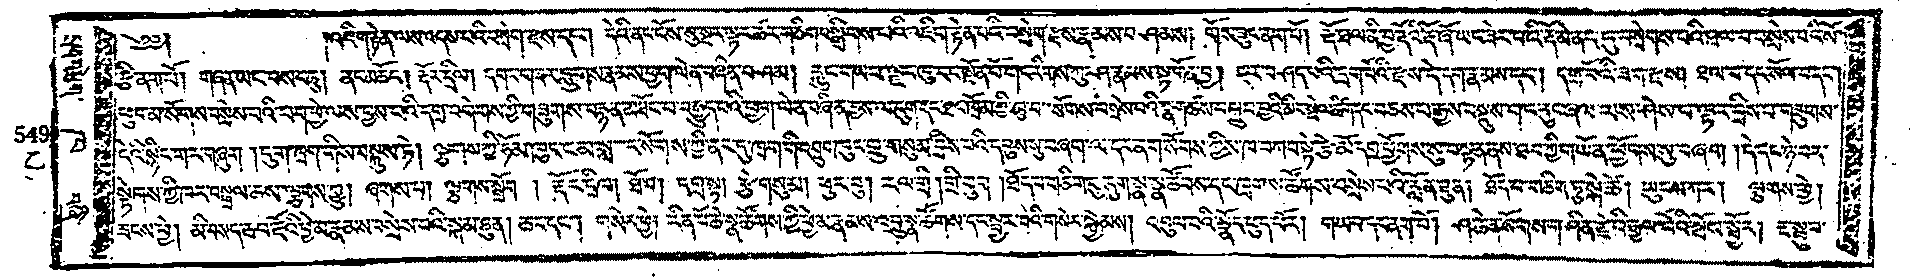༄༅། །འཇིག་རྟེན་ལས་འདས་པའི་བསྲེག་རྫས་དང་། དེའི་ནང་ངོས་སུ་སྔར་ལྟར་ཚར་གཅིག་བསྒྲིགས་པའི་འཇིག་རྟེན་པའི་བསྲེག་རྫས་རྣམས་བཤམས། གོས་ཟུང་ནག་པོ། རྡོ་ཐལ་ནི་བྱ་རྡོའི་རྡོ་ཞོ་ཡང་ཟེར་བའི་རྡོ་མེ་ནང་དུ་བསྲེགས་པའི་ཐལ་བ་བསྲེས་པའི་སོ་
རྩི་ནག་པོ། གཞན་ཡང་བསང་ཆུ། ནང་མཆོད། རྡོར་དྲིལ། དགང་གཟར་བླུགས་རྣམས་ཕྱག་ལེན་བཞིན་བཤམ། རླུང་གཡབ་ལྗང་ཁུ་དང་སྔོན་པོ་གང་རིགས་ཀུ་ཤ་རྣམས་སྟ་གོན་བྱ། སྔར་བཤད་པའི་དྲག་པོའི་རྫས་དེ་དག་རྣམས་དང་། དགྲ་པོའི་ཟག་རྫས། ཐལ་བ་དང་སོལ་བ་དང་།
ཕུབ་མ་སོགས་བསྲེས་པའི་བག་ཕྱེ་ལས་བྱས་པའི་དགྲ་བགེགས་ཀྱི་གཟུགས་བརྙན་མཐོང་བ་བརྒྱུད་པའི་ཕྱག་ལེན་བཞིན་བྱས་ལ་དུག་དང་ཐང་ཁྲོམ་གྱི་ཁུ་བ་སོགས་བསྲེས་པའི་སྣག་ཚས་བསྒྲུབ་བྱའི་མིང་སྤེལ་ཚིག་དང་བཅས་པ་རྒྱས་བསྡུས་གང་རུང་ཞལ་ལས་ཤེས་པ་ལྟར་བྲིས་པ་གཟུགས་
དེའི་སྙིང་གར་གཞུག །དུག་ཁྲག་གིས་བསྐུས་ཏེ། ལྕགས་ཀྱི་ཧོམ་ཁུང་ངམ་སླའང་སོགས་ཀྱི་ནང་དུ་ཁྲག་གི་འབུབ་ཁུར་གྲུ་གསུམ་བྲིས་པའི་དབུས་སུ་བཞག་ལ་དར་ནག་སོགས་ཀྱིས་ཁ་བཀབ་སྟེ་རྩེ་མོ་དགྲ་ཕྱོགས་སུ་བསྟན་ནས་ཐབ་ཀྱི་གཡོན་ཕྱོགས་སུ་བཞག །དེ་དང་ཉེ་བར་
སྟེགས་ཀྱི་ཁར་བསྒྲལ་ཆས་ལྕགས་ཀྱུ། ཞགས་པ། ལྕགས་སྒྲོག། །རྡོར་དྲྭིལ། ཐོབ། དགྲ་སྟ། རྩེ་གསུམ། ཕུར་བུ། རལ་གྲི། གྲི་གུག །ཐོད་པ་གཅིག་དུ་དུག་སྣ་སྣ་ཚོགས་དང་ཁྲགས་ཚོགས་བསྲེས་པའི་རློན་ཐུན། ཐོད་པ་གཅིག་ཏུ་སྐེ་ཚེ། ཡུངས་ཀར། ལྕགས་ཕྱེ།
ཟངས་ཕྱེ། མི་བསད་རྦབ་རྡོའི་ཕྱེ་མ་རྣམས་བསྲེས་པའི་སྐམ་ཐུན། ཆང་དང་། གསེར་ཕྱེ། རིན་པོ་ཆེ་སྣ་ཚོགས་ཀྱི་ཕྱེ་མ་རྣམས་འབྲུ་སྣ་ཚོགས་དང་སྦྱར་བའི་གསེར་སྐྱེམས། འབུལ་བའི་སྣོད་ཕུད་པོར། གཡབ་དར་ནག་པོ། ཤ་ཆེན་སོགས་གཤིན་རྗེའི་རྒྱལ་པོའི་སྤོས་སྦྱོར། རྔ་སྦུབ་